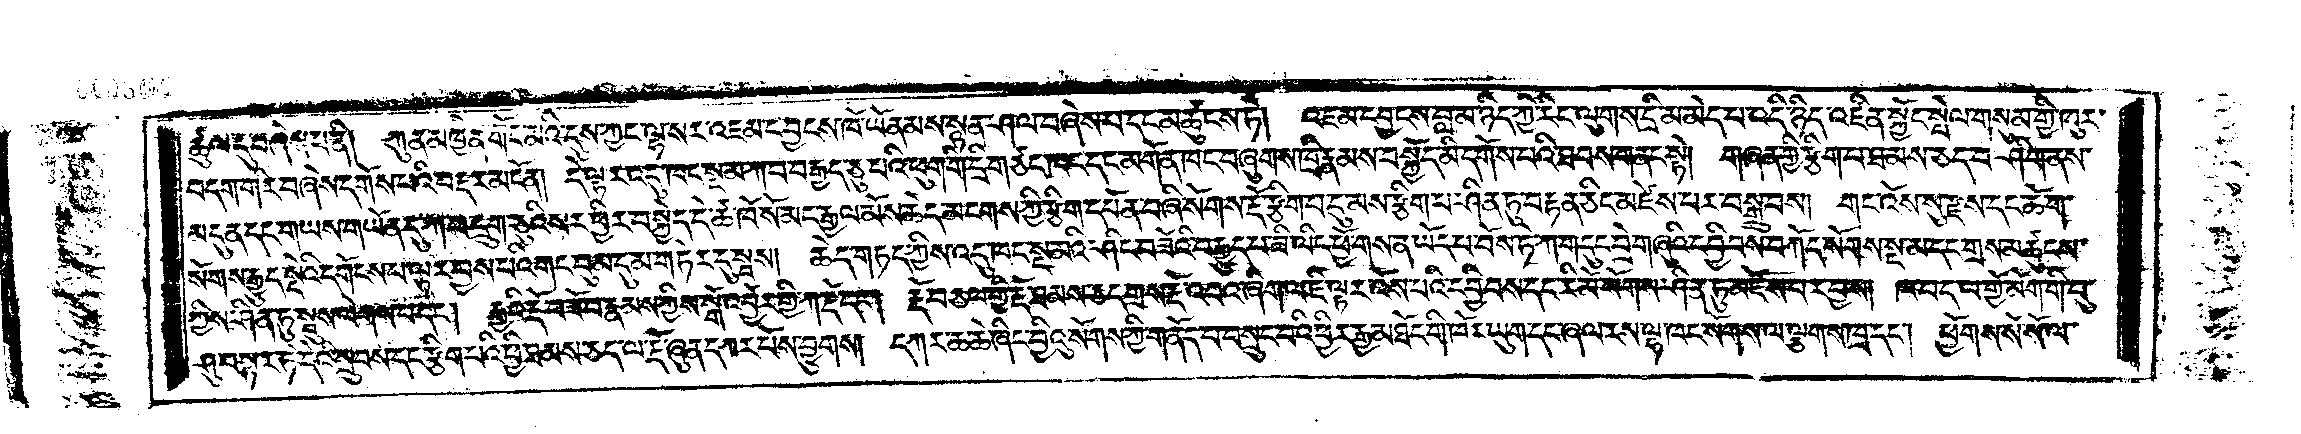ཚུལ་དུ་བཞེས་པ་ནི། ཀུན་མཁྱེན་གོང་མའི་དུས་ཀྱང་ལྷ་སར་འཇམ་དབྱངས་ཁོ་ཡོན་མས་སྙན་ཤལ་བཞེས་པ་དང་མཚུངས་ཏེ། འཇམ་དབྱངས་བླ་མ་ཉིད་ཀྱི་རིང་ལུགས་དྲི་མ་མེད་པ་འདི་ཉིད་འཛིན་སྐྱོང་སྤེལ་གསུམ་གྱི་ཁུར་
བདག་གིར་བཞེས་དགོས་པའི་བརྡར་མངོན། དེ་ལྟར་འདུ་ཁང་སྔ་མ་ཀ་བ་བརྒྱད་ཅུ་པའི་ཕུག་གི་དྲི་གཙང་ཁང་དང་མགོན་ཁང་བཞུགས་ཁྲི་རྣམས་བསྐྱོད་མི་དགོས་པའི་ཐབས་གནང་སྟེ། གཞན་གྱི་རྩིག་པ་ཐམས་ཅད་བཤིག་ནས་
མདུན་དང་གཡས་གཡོན་དུ་ཀ་བ་དྲུག་ཅུའི་སར་ཕྱིར་བསྐྱེད་དེ་ཚ་ཁོ་སོ་མང་རྒྱལ་མོས་ཆེད་མངགས་ཀྱི་རྩིག་དཔོན་བཞི་སོགས་རྡོ་རྩིག་པ་དུ་མས་རྩིག་པ་ཤིན་ཏུ་བརྟན་ཅིང་མཛེས་པར་བསྒྲུབས། གང་འོས་སུ་རྫས་དང་ཆོ་ག་
སོགས་རྒྱུད་སྡེའི་དགོངས་པ་ལྟར་བྱས་པའི་གང་བུམ་དུ་མ་གཏེར་དུ་སྦས། ཆེད་གཏད་ཀྱིས་འདུ་ཁང་སྔ་མའི་ཤིང་བཟོའི་བརྒྱུད་པ་ཟི་ལིང་ཕྱོགས་ན་ཡོད་པ་བོས་ཏེ་ཀ་གདུང་བྲེ་གཞུའི་དབྱིབས་བཀོད་སོགས་སྔ་མ་དང་གྲས་མཚུངས་
ཀྱིས་ཤིན་ཏུ་སྤུས་ལེགས་པ་དང་། རྒྱའི་རྡོ་བཟོ་བ་རྣམས་ཀྱིས་སྒོ་འབྱོར་གྱི་ཀ་རྡོ་དང་། རྡོ་བཅལ་གྱི་རྡོ་ཐམས་ཅད་གྲས་རྡོ་འབའ་ཞིག་ལ་ཇི་ལྟར་འོས་བའི་དབྱིབས་དང་རི་མོ་སོགས་ཤིན་ཏུ་མཛེས་པར་བྱས། ཁ་པད་ལ་གྱོ་མོག་གི་པུ་
ཤུ་བསྟར་ཏེ་དེའི་སྲུབས་དང་རྩིག་པའི་ཕྱི་ཐམས་ཅད་ལ་རྡོ་ཞུན་དཀར་པོས་ཕྱུགས། དཀར་ཆ་ཆེ་ཞིང་བྱིའུ་སོགས་ཀྱི་གནོད་པ་བསྲུང་བའི་ཕྱིར་རྒྱ་མཐོང་གི་ཁོར་ཡུག་དང་ཞལ་རས་ལྷ་ཁང་སོགས་ལ་ལྕགས་ཁྲ་དང་། ཕྱོགས་སོ་སོ་ལ་